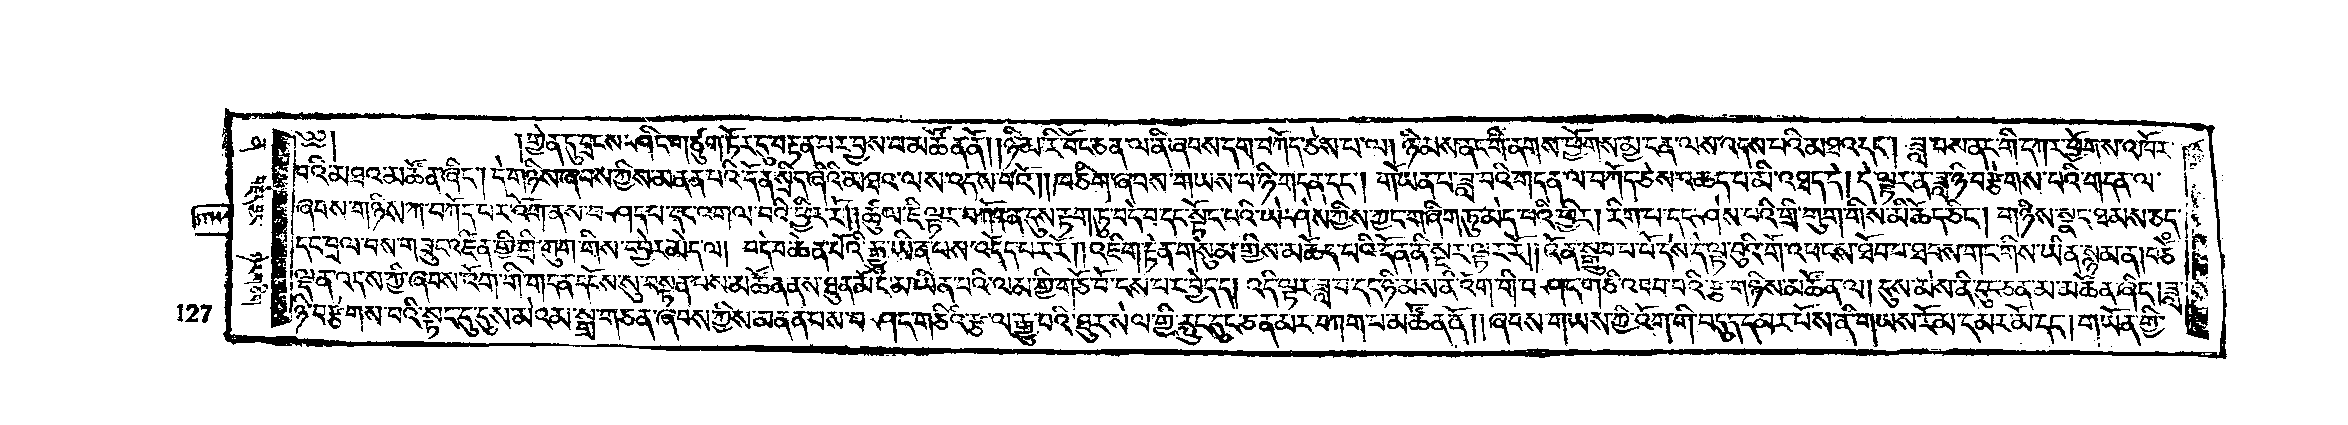༄༅། །གྱེན་དུ་དྲངས་ཤིང་གཙུག་ཏོར་དུ་བརྟན་པར་བྱས་པ་མཚོན་ནོ། །ཉི་མ་རི་བོང་ཅན་ལ་ནི་ཞབས་དག་བཀོད་ཅེས་པ་ལ། ཉི་མས་ནང་གི་ནགས་ཕྱོགས་མྱ་ངན་ལས་འདས་པའི་མཐའ་དང་། ཟླ་བས་ནང་གི་དཀར་ཕྱོགས་འཁོར་
བའི་མཐའ་མཚོན་ཞིང་། དེ་གཉིས་ཞབས་ཀྱིས་མནན་པའི་དོན་སྲིད་ཞིའི་མཐའ་ལས་འདས་པའོ། །ཁ་ཅིག་ཞབས་གཡས་པ་ཉི་གདན་དང་། གཡོན་པ་ཟླ་བའི་གདན་ལ་བཀོད་ཅེས་འཆད་པ་མི་འཐད་དེ། དེ་ལྟར་ན་ཟླ་ཉི་བརྩེགས་པའི་གདན་ལ་
ཞབས་གཉིས་ཀ་བཀོད་པར་འོག་ནས་བཤད་པ་དང་འགལ་བའི་ཕྱིར་རོ། །ཚུལ་ཇི་ལྟར་བཀོད་ན་དུས་རྟག་ཏུ་བདེ་བ་དང་སྟོང་པའི་ཡེ་ཤེས་ཀྱིས་ཀྱང་གཞིག་ཏུ་མེད་པའི་ཕྱིར། རིག་པ་དང་ཤེས་པའི་གྲི་གུག་གིས་མི་ཆོད་ཅིང་། གཉིས་སྣང་ཐམས་ཅད་
དང་བྲལ་བས་གཟུང་འཛིན་གྱི་གྲི་གུག་གིས་དབྱེར་མེད་ལ། བདེ་བ་ཆེན་པོའི་རྒྱུ་ཡིན་པས་འདོད་པར་རོ། །འཇིག་རྟེན་གསུམ་གྱིས་མཆོད་པའི་དོན་ནི་སྔར་ལྟར་རོ། །འོན་སྒྲུབ་པ་པོ་དེས་དེ་ལྟ་བུའི་གོ་འཕངས་ཐོབ་པ་ཐབས་གང་གིས་ཡིན་སྙམ་ན། བཅོམ་
ལྡན་འདས་ཀྱི་ཞབས་འོག་གི་གདན་དངོས་སུ་བསྟན་པས་མཚོན་ནས་ཐུན་མོང་མ་ཡིན་པའི་ལམ་གྱི་གཙོ་བོ་ངས་པར་བྱེད་དེ། འདི་ལྟར་ཟླ་བ་དང་ཉི་མས་ནི་འོག་གི་བཤད་གཅི་འབབ་པའི་རྩ་གཉིས་མཚོན་ལ། དུས་མེས་ནི་དུང་ཅན་མ་མཚོན་ཞིང་། ཟླ་
ཉི་བརྩེགས་པའི་སྟེང་དུ་དུས་མེའམ་སྒྲ་གཅན་ཞབས་ཀྱིས་མནན་པས་བཤད་གཅིའི་རྩ་ལ་རྒྱུ་བའི་ཐུར་སེལ་གྱི་རླུང་དུང་ཅན་མར་བཀག་པ་མཚོན་ནོ། །ཞབས་གཡས་ཀྱི་འོག་གི་བདུད་དམར་པོས་ནི་གཡས་རོ་མ་དམར་མོ་དང་། གཡོན་གྱི་